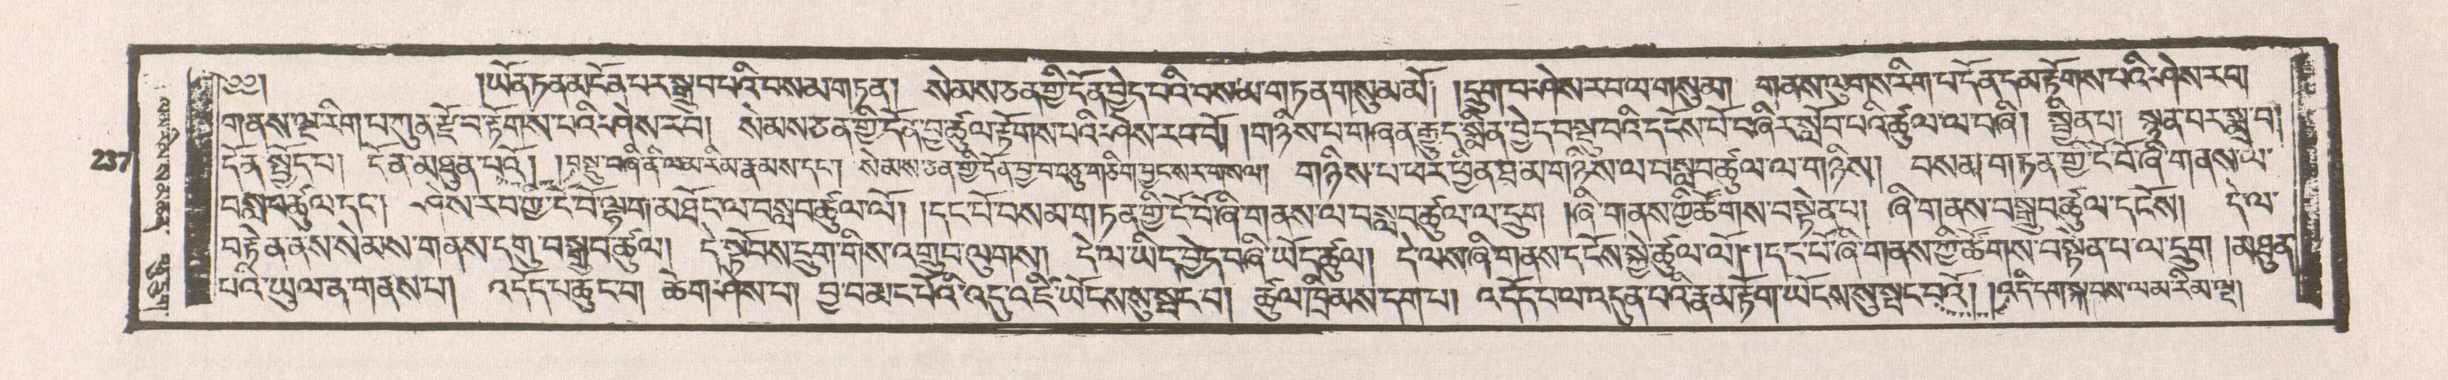༄༅། །ཡོན་ཏན་མངོན་པར་སྒྲུབ་པའི་བསམ་གཏན། སེམས་ཅན་གྱི་དོན་བྱེད་པའི་བསམ་གཏན་གསུམ་མོ། །དྲུག་པ་ཤེས་རབ་ལ་གསུམ། གནས་ལུགས་རིག་པ་དོན་དམ་རྟོགས་པའི་ཤེས་རབ།
གནས་ལྔ་རིག་པ་ཀུན་རྫོབ་རྟོགས་པའི་ཤེས་རབ། སེམས་ཅན་གྱི་དོན་བྱ་ཚུལ་རྟོགས་པའི་ཤེས་རབ་བོ། །གཉིས་པ་གཞན་རྒྱུད་སྨིན་བྱེད་བསྡུ་བཱཨི་དངོས་པོ་བཞིར་སློབ་པའི་ཚུལ་ལ་བཞི། སྦྱིན་པ། སྙན་པར་སྨྲ་བ།
དོན་སྤྱོད་པ། དོན་མཐུན་པའོ། ། བསྡུ་བཞི་ནི་ལམ་རིམ་རྣམས་དང་། སེམས་ཅན་གྱི་དོན་བྱ་བ་བཅུ་གཅིག་བྱང་སར་གསལ།  གཉིས་པ་ཕར་ཕྱིན་ཐ་མ་གཉིས་ལ་བསླབ་ཚུལ་ལ་གཉིས། བསམ་གཏན་གྱི་ངོ་བོ་ཞི་གནས་ལ་
བསླབ་ཚུལ་དང་། ཤེས་རབ་ཀྱི་ངོ་བོ་ལྷག་མཐོང་ལ་བསླབ་ཚུལ་ལོ། །དང་པོ་བསམ་གཏན་གྱི་ངོ་བོ་ཞི་གནས་ལ་བསླབ་ཚུལ་ལ་དྲུག །ཞི་གནས་ཀྱི་ཚོགས་བསྟེན་པ། ཞི་གནས་བསྒྲུབ་ཚུལ་དངོས། དེ་ལ་
བརྟེན་ནས་སེམས་གནས་དགུ་བསྒྲུབ་ཚུལ། དེ་སྟོབས་དྲུག་གིས་འགྲུབ་ལུགས། དེ་ལ་ཡིད་བྱེད་བཞི་ཡོད་ཚུལ། དེ་ལས་ཞི་གནས་དངོས་སྐྱེ་ཚུལ་ལོ། །དང་པོ་ཞི་གནས་ཀྱི་ཚོགས་བསྟེན་པ་ལ་དྲུག །མཐུན་
པའི་ཡུལ་ན་གནས་པ། འདོད་པ་ཆུང་བ། ཆོག་?་ཤེས་པ། བྱ་བ་མང་པོའི་འདུ་འཛི་ཡོངས་སུ་སྤང་བ། ཚུལ་ཁྲིམས་དག་པ། འདོད་པ་ལ་འདུན་པའི་རྣམ་རྟོག་ཡོངས་སུ་སྤང་བའོ། ། འདི་དག་སྐབས་ལམ་རིམ་ལྔ།